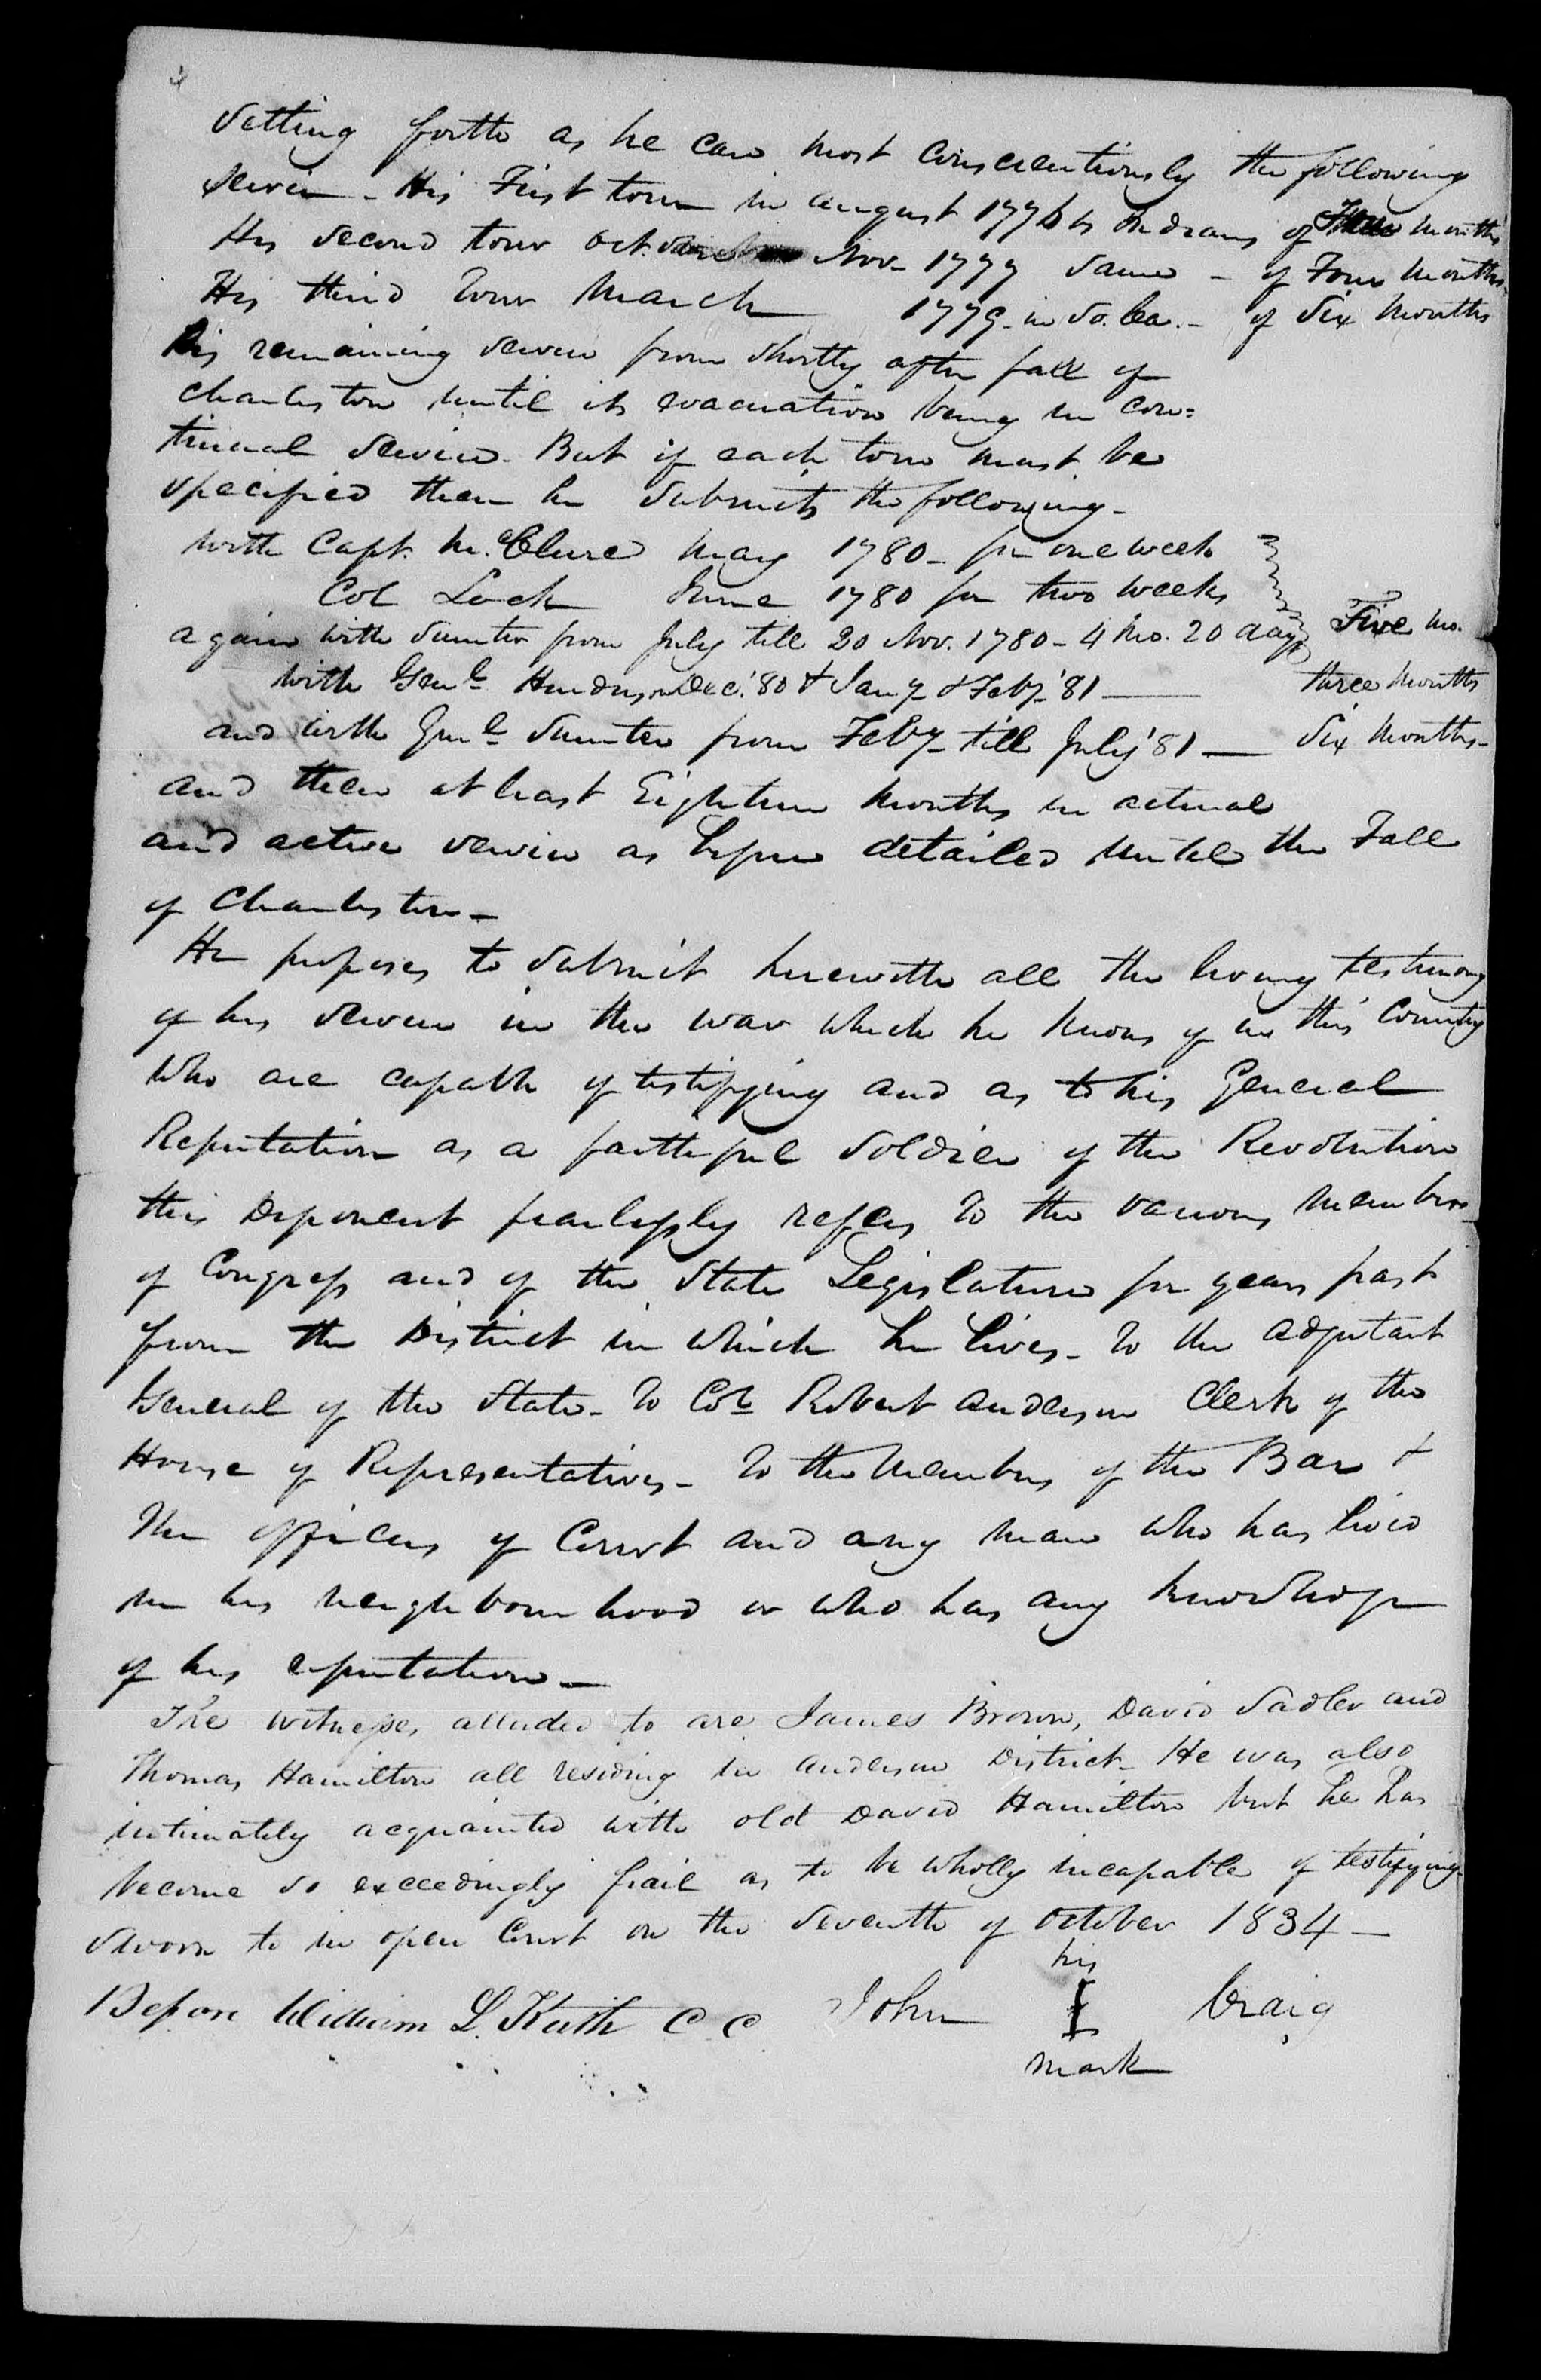Vetting forth a, he can most Conscientiously the following service. His first term in August 1776 by Indians of three months
His second tour Oct [illegible] -Nov. 1777 same of Four months
His third tour March in So. Ca - of Six months
His remaining service from shortly after fall of Charleston, until it evacuation being in Continental service.
But if each town must be specified then he submits to the following -
With Capt McClure May 1780 - for one week
With Col Lock  June 1780 for two weeks
again with Sumter from July till 30 Nov 1780 - 4 mo. 20 days - 5 months
With Genl Henderson Dec. '80 & Jan 7 & Feby '81 - three months
And then at least Eighteen months in actual and active service as before detailed until the Fall of Charleson - six months

He proposes to submit herewith all the living testimony as his service in the war which he knows of in this country. Who are capable of testifying and as to his general reputation as a faithful soldier of the Revolution this deponent  fearlessly refers to the various members of Congress and of the State Legislature for years past from the District in which he lives. To the adjutant General of the State, to Col Robert Anderson Clerk of the House of Representatives, To the members of the Bar - the officers of Court and any man who has lived in his neighborhood or who has any knowledge of his expectation

The witness alluded to are James Brown, David Sadler and Thomas Hamilton all residing in Andlison District.  He was also distinctly acquainted with old David Hamilton but he has become to exceedingly frail as to wholly incapable of testifying.
Sworn to in open court on te seventh of October 1834 -
Before William L. Keith CC
John (x his mark) Craig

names: Mc Clure, Thomas Hamilton, Robert Anderson, John Craig, Sumter, Henderson, James Brown, Lock, William L Keith, David Sadler, David Hamilton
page: 24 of 55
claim: widow's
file: W. 22864, John Craig, S.C. Born In Iceland